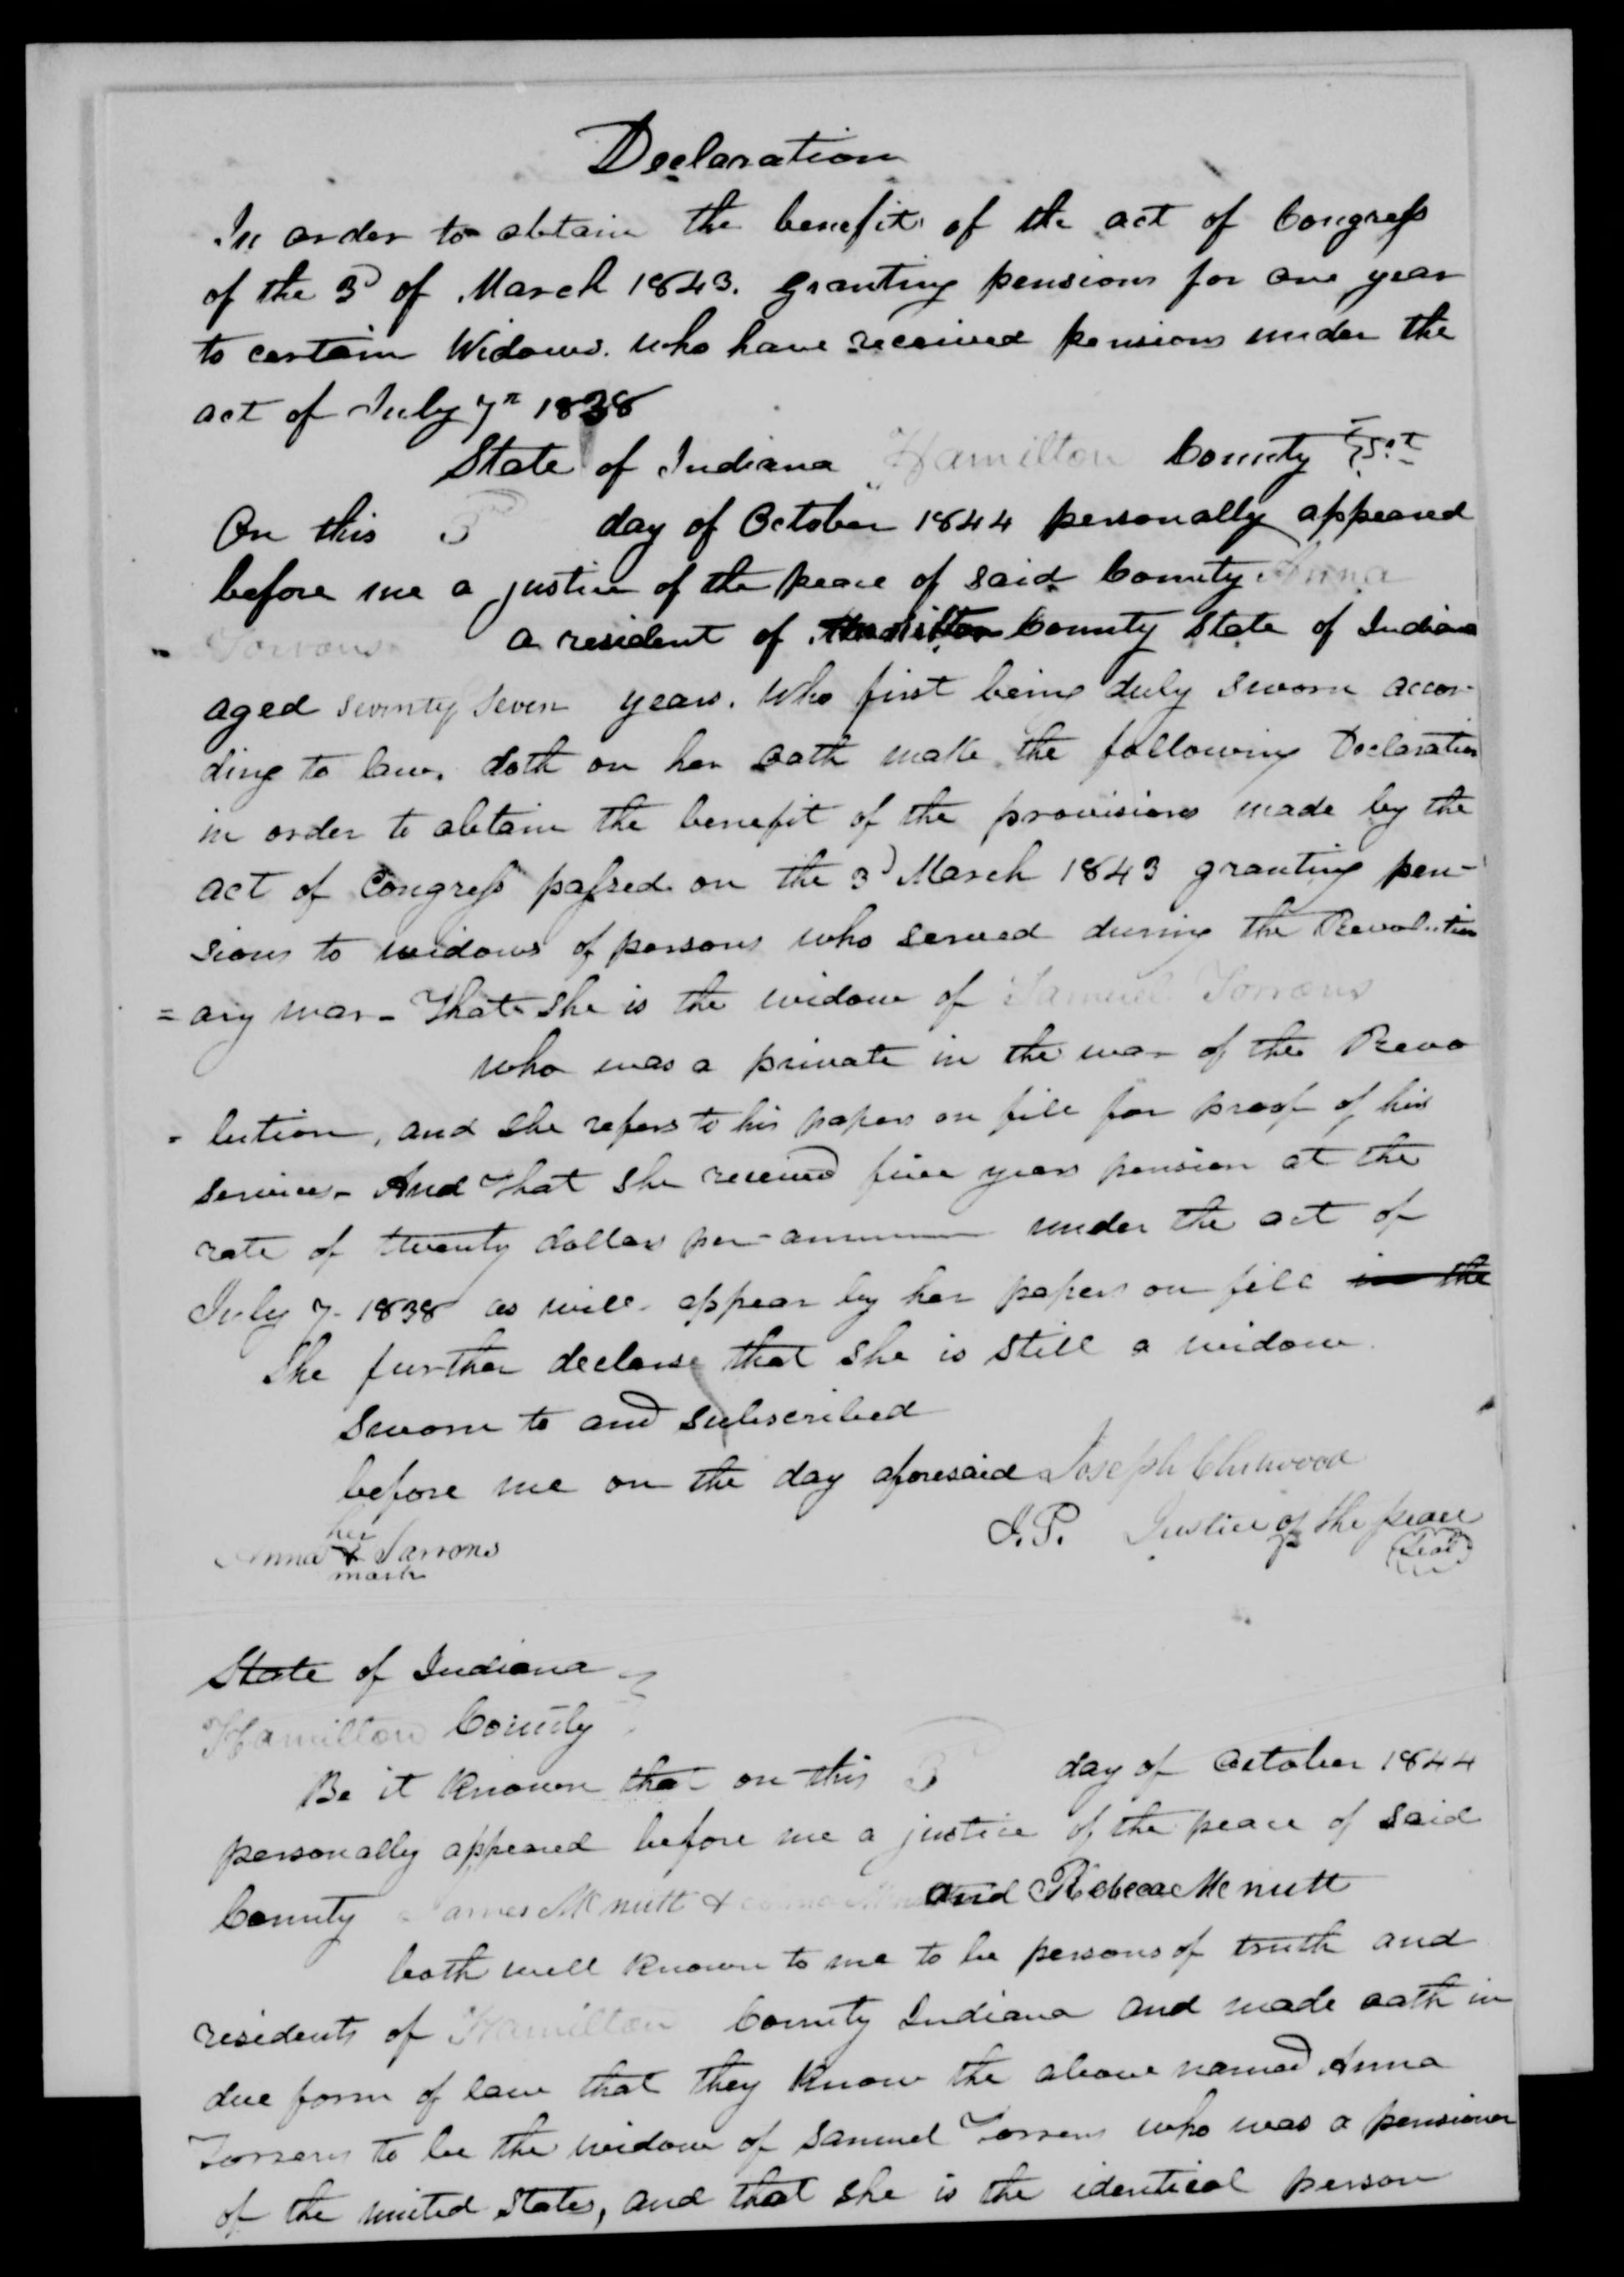Declaration
In order to obtain the benefit of the act of Congress of the 3d of March 1843, granting pensions for one year to certain Widows, who have received pensions under the act of July 7th 1838
State of Indiana Hamilton County sct.
On this 3rd day of October 1844 personally appeared before me a justice of the peace of said County Anna Torrons a resident of Hamilton County State of Indiana aged seventy seven years, who first being duly sworn according to law, doth on her oath make the following Declaration in order to obtain the benefit of the provisions made by the Act of Congress passed on the 3d March 1843 granting pensions to widows of persons who served during the Revolutionary war. That she is the widow of Samuel Torrons who was a private in the war of the Revolution, and she refers to his papers on file for proof of his services - And that she received five years pension at the rate of twenty dollars per annum under the act of July 7, 1838 as will appear by her papers on file
She further declares that she is still a widow
Sworn to and subscribed
before me on the day aforesaid Joseph Chitwood
Anna x her mark Torrons J.P. Justice of the peace
Seal
State of Indiana
Hamilton County
Be it known that on this 3d day of October 1844 personally appeared before me a justice of the peace of said County James McNutt & Anna [illegible] and Rebecca McNutt both well known to me to be persons of truth and residents of Hamilton County Indiana and made oath in due form of law that they know the above named Anna Torrens to be the widow of Samuel Torrens who was a pensioner of the United States, and that she is the identical person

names: Edson Hars, James Mc Nutt, Joseph Chitwood, Rebecca Mc Nutt, Jonna Tarrons, Samuel Torrens, Anna Torrons, Anna Torrens, Samuel Torrons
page: 20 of 27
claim: widow's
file: W. 9860, Samuel Torrons, Va.